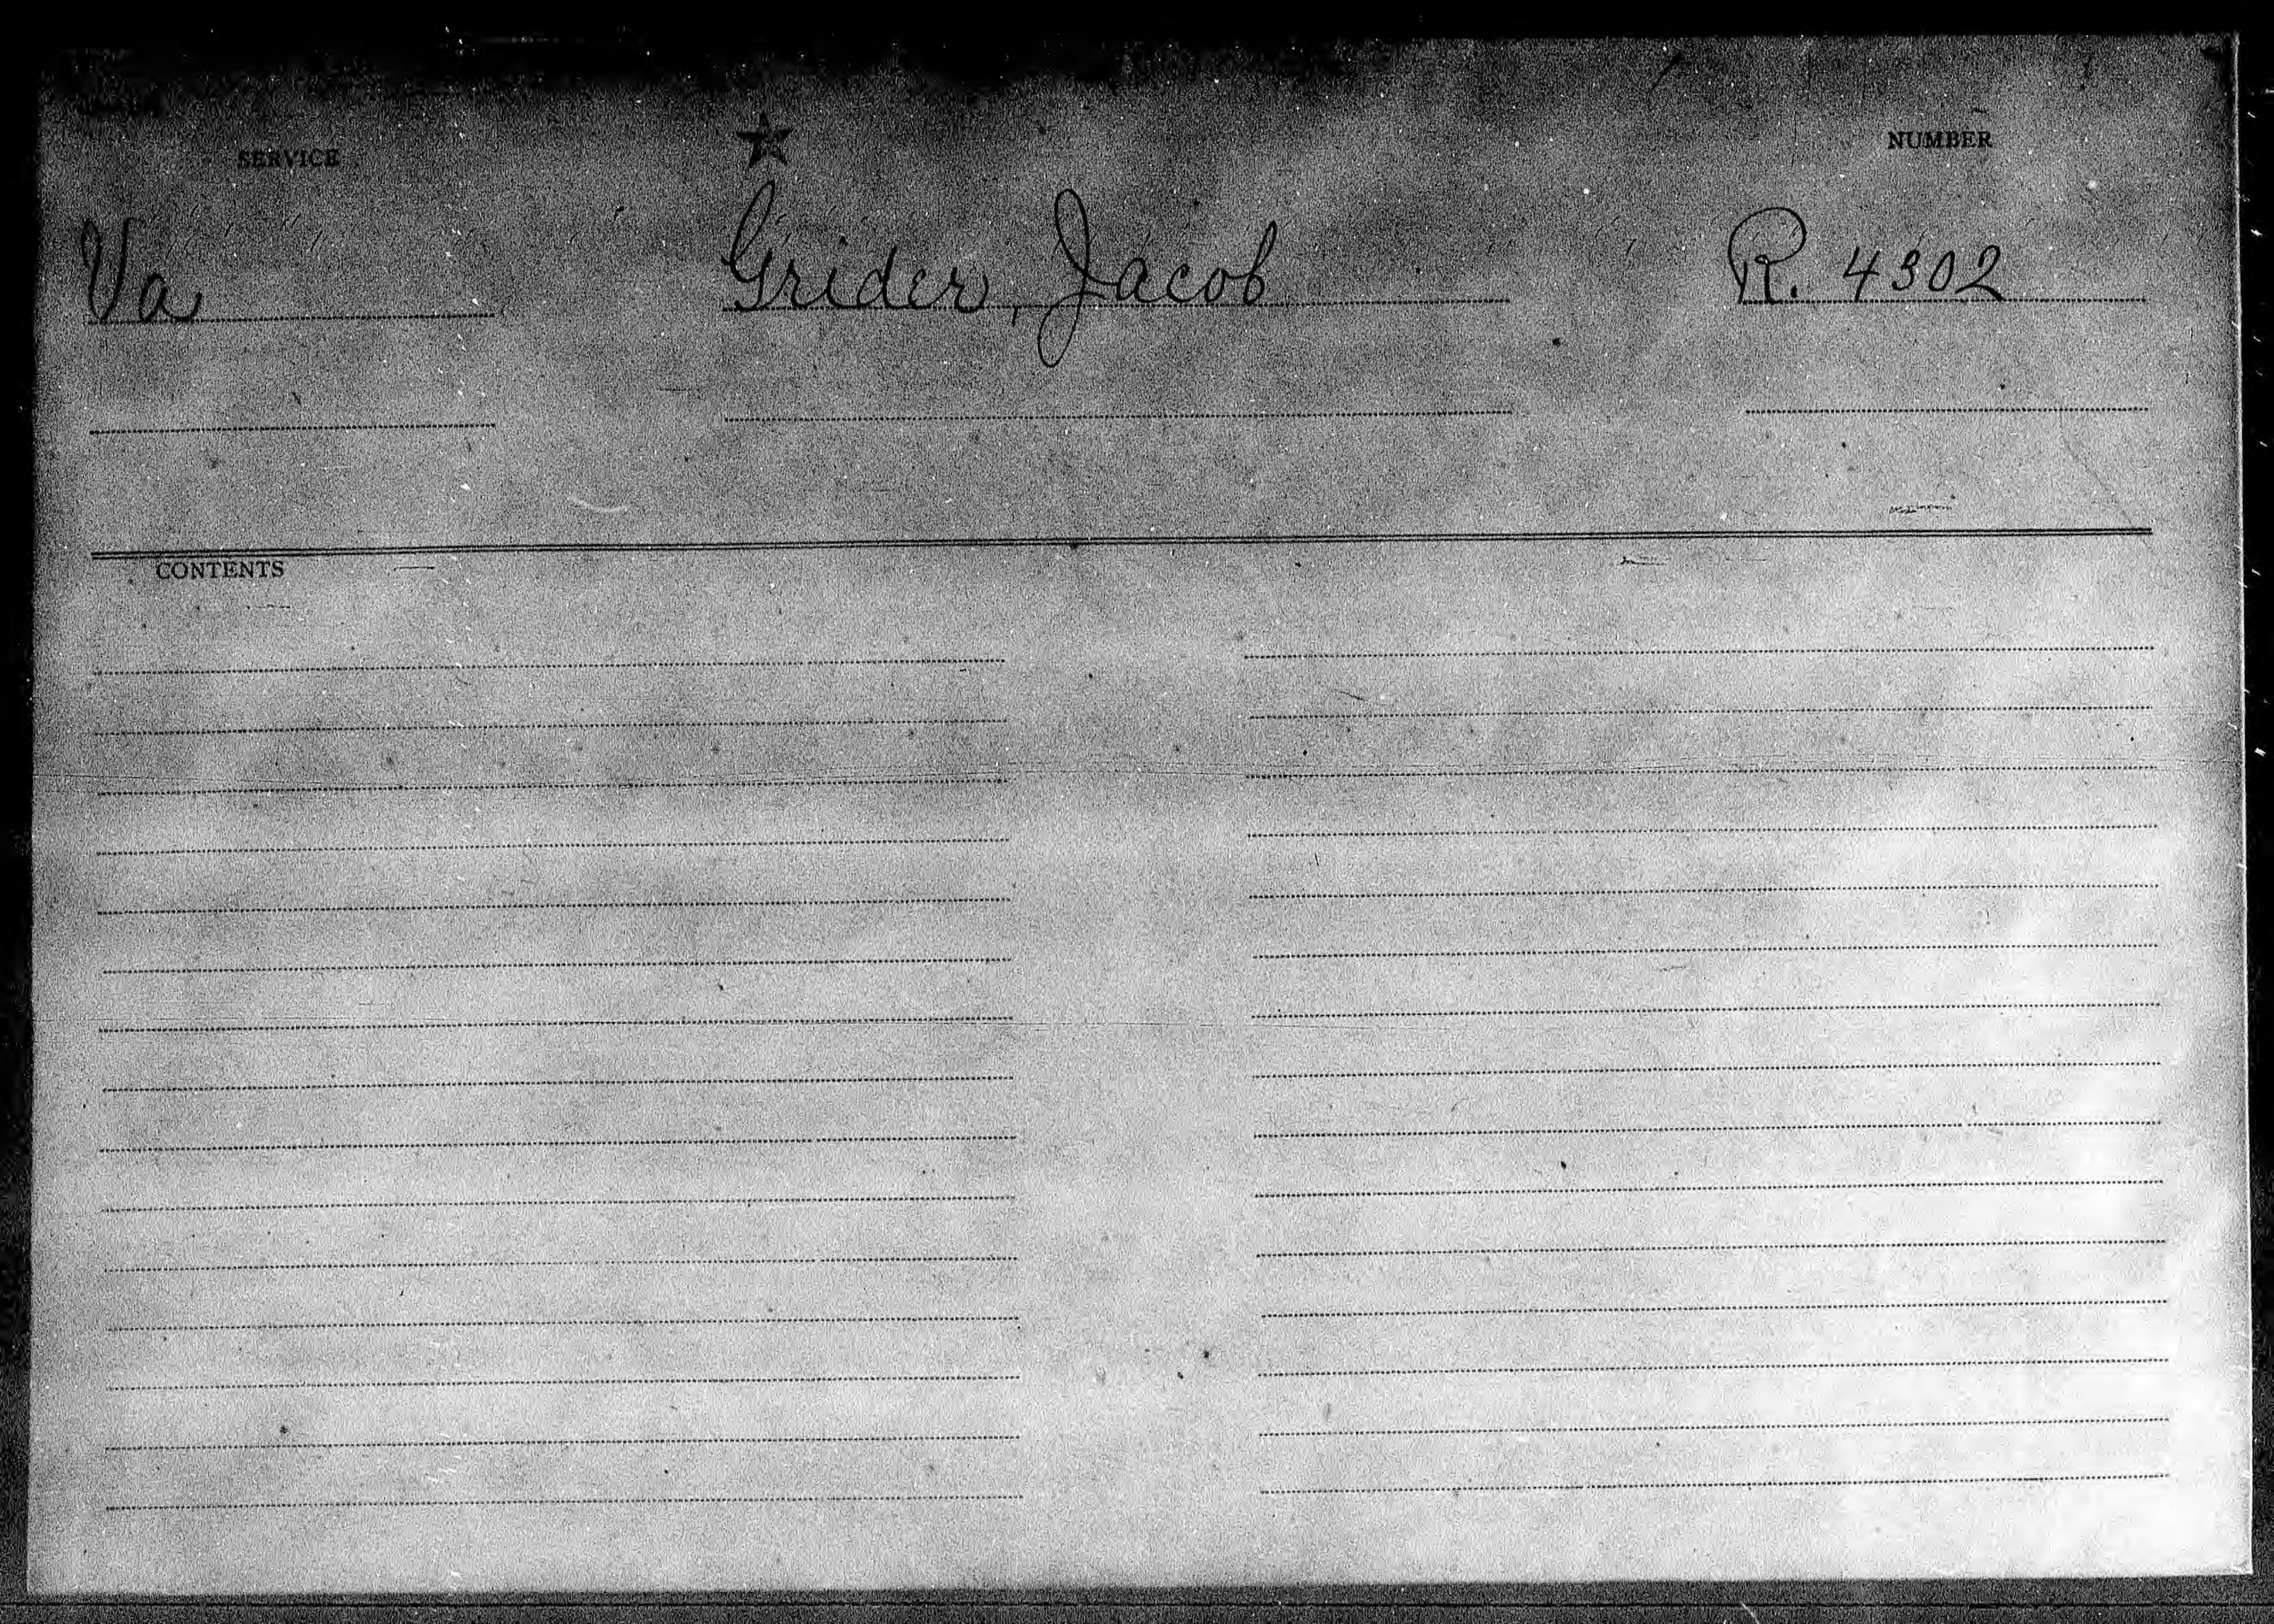SERVICE | [STAR] | NUMBER
Va | Grider, Jacob | R. 4302

CONTENTS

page: 1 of 10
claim: rejected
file: R. 4302, Jacob Grider, Va